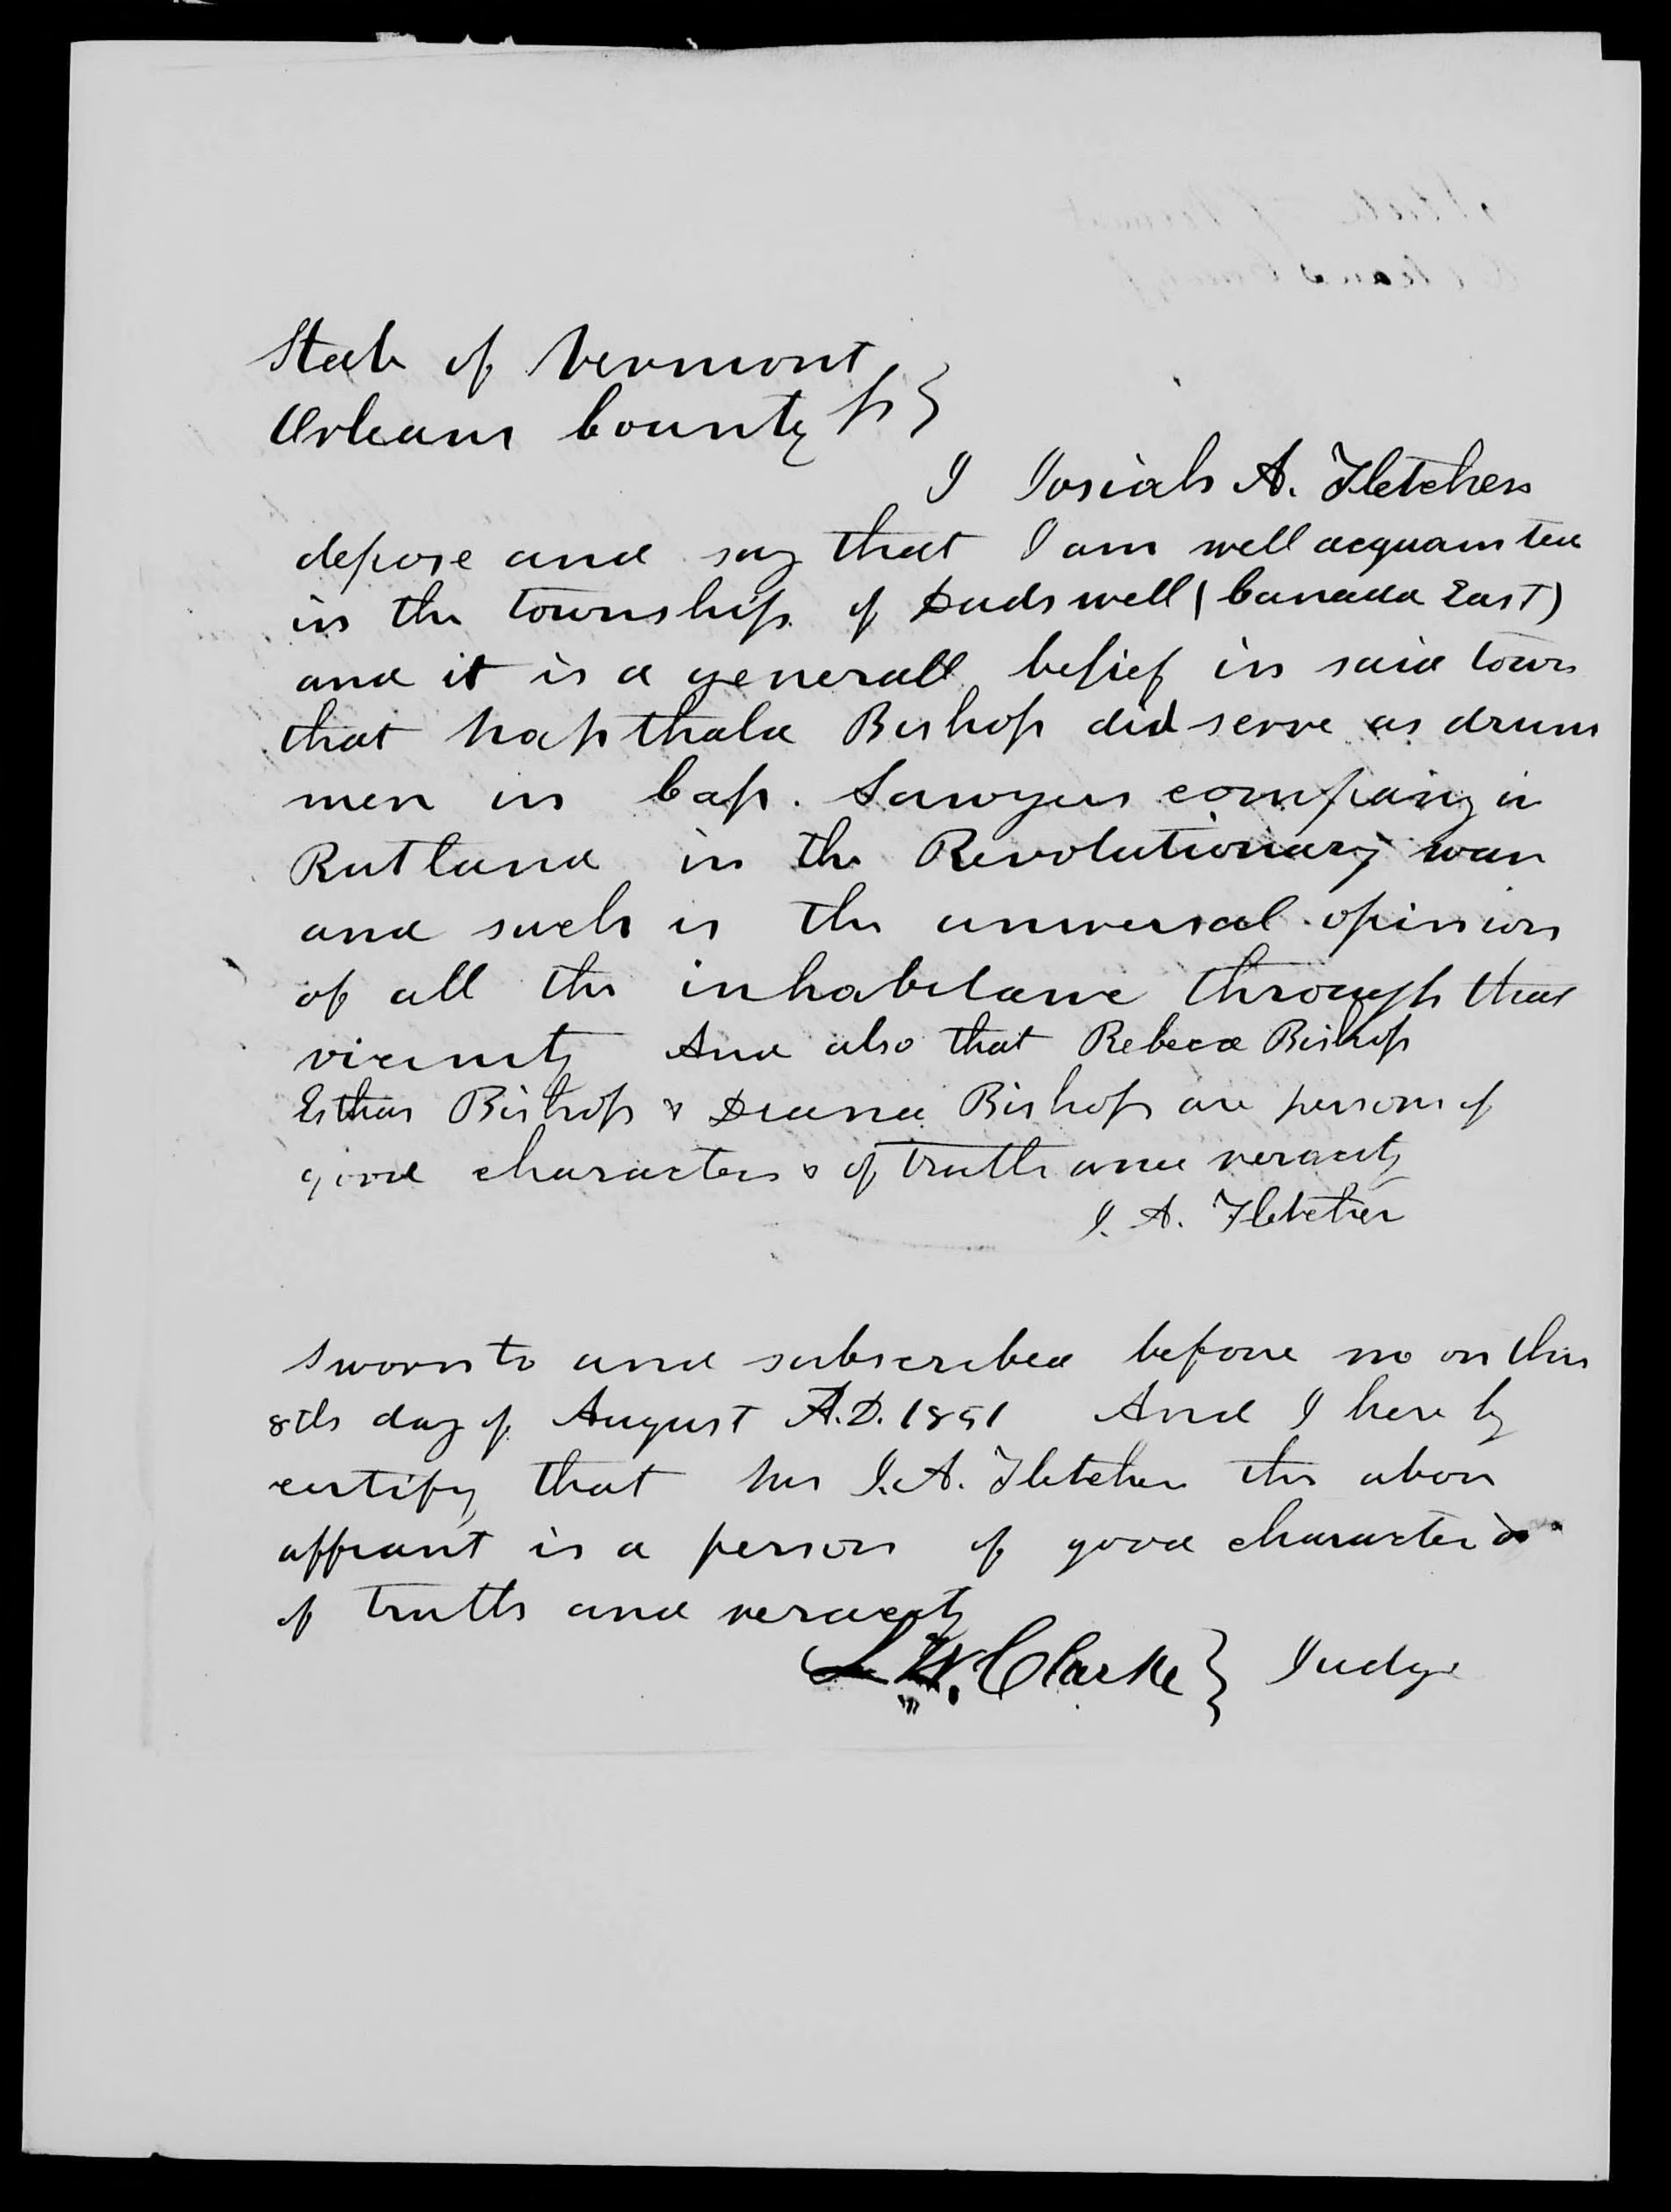State of Vermont
Orleans County
I Josiah A. Fletcher
depose and say that I am well acquainted in the township of Dudswell (Canada East) and it is a general belief in said town that Napthala Bishop did serve as drummer in Capt Sayers company in Rutland in the Revolutionary war and such is the universal opinion of all the inhabitance through that vicinity And also that Rebeca Bishop, Esthur Bishop and Diana Bishop are persons of good characters and of truth and veracity
J. A. Fletcher
Sworn to and subscribed before me on this 8th day of August A.D. 1851  And I hereby certify that Mr. J. A. Fletcher the above affiant is a person of good character and of truth and veracity.
L. W. Clarke   Judge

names: Napthala Bishop, Diana Bishop, Josiah A Fletcher, Esthur Bishop, J A Fletcher, Rebeca Bishop, L W Clarke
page: 9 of 27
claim: rejected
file: R. 865, Napthala Bishop, Vt.